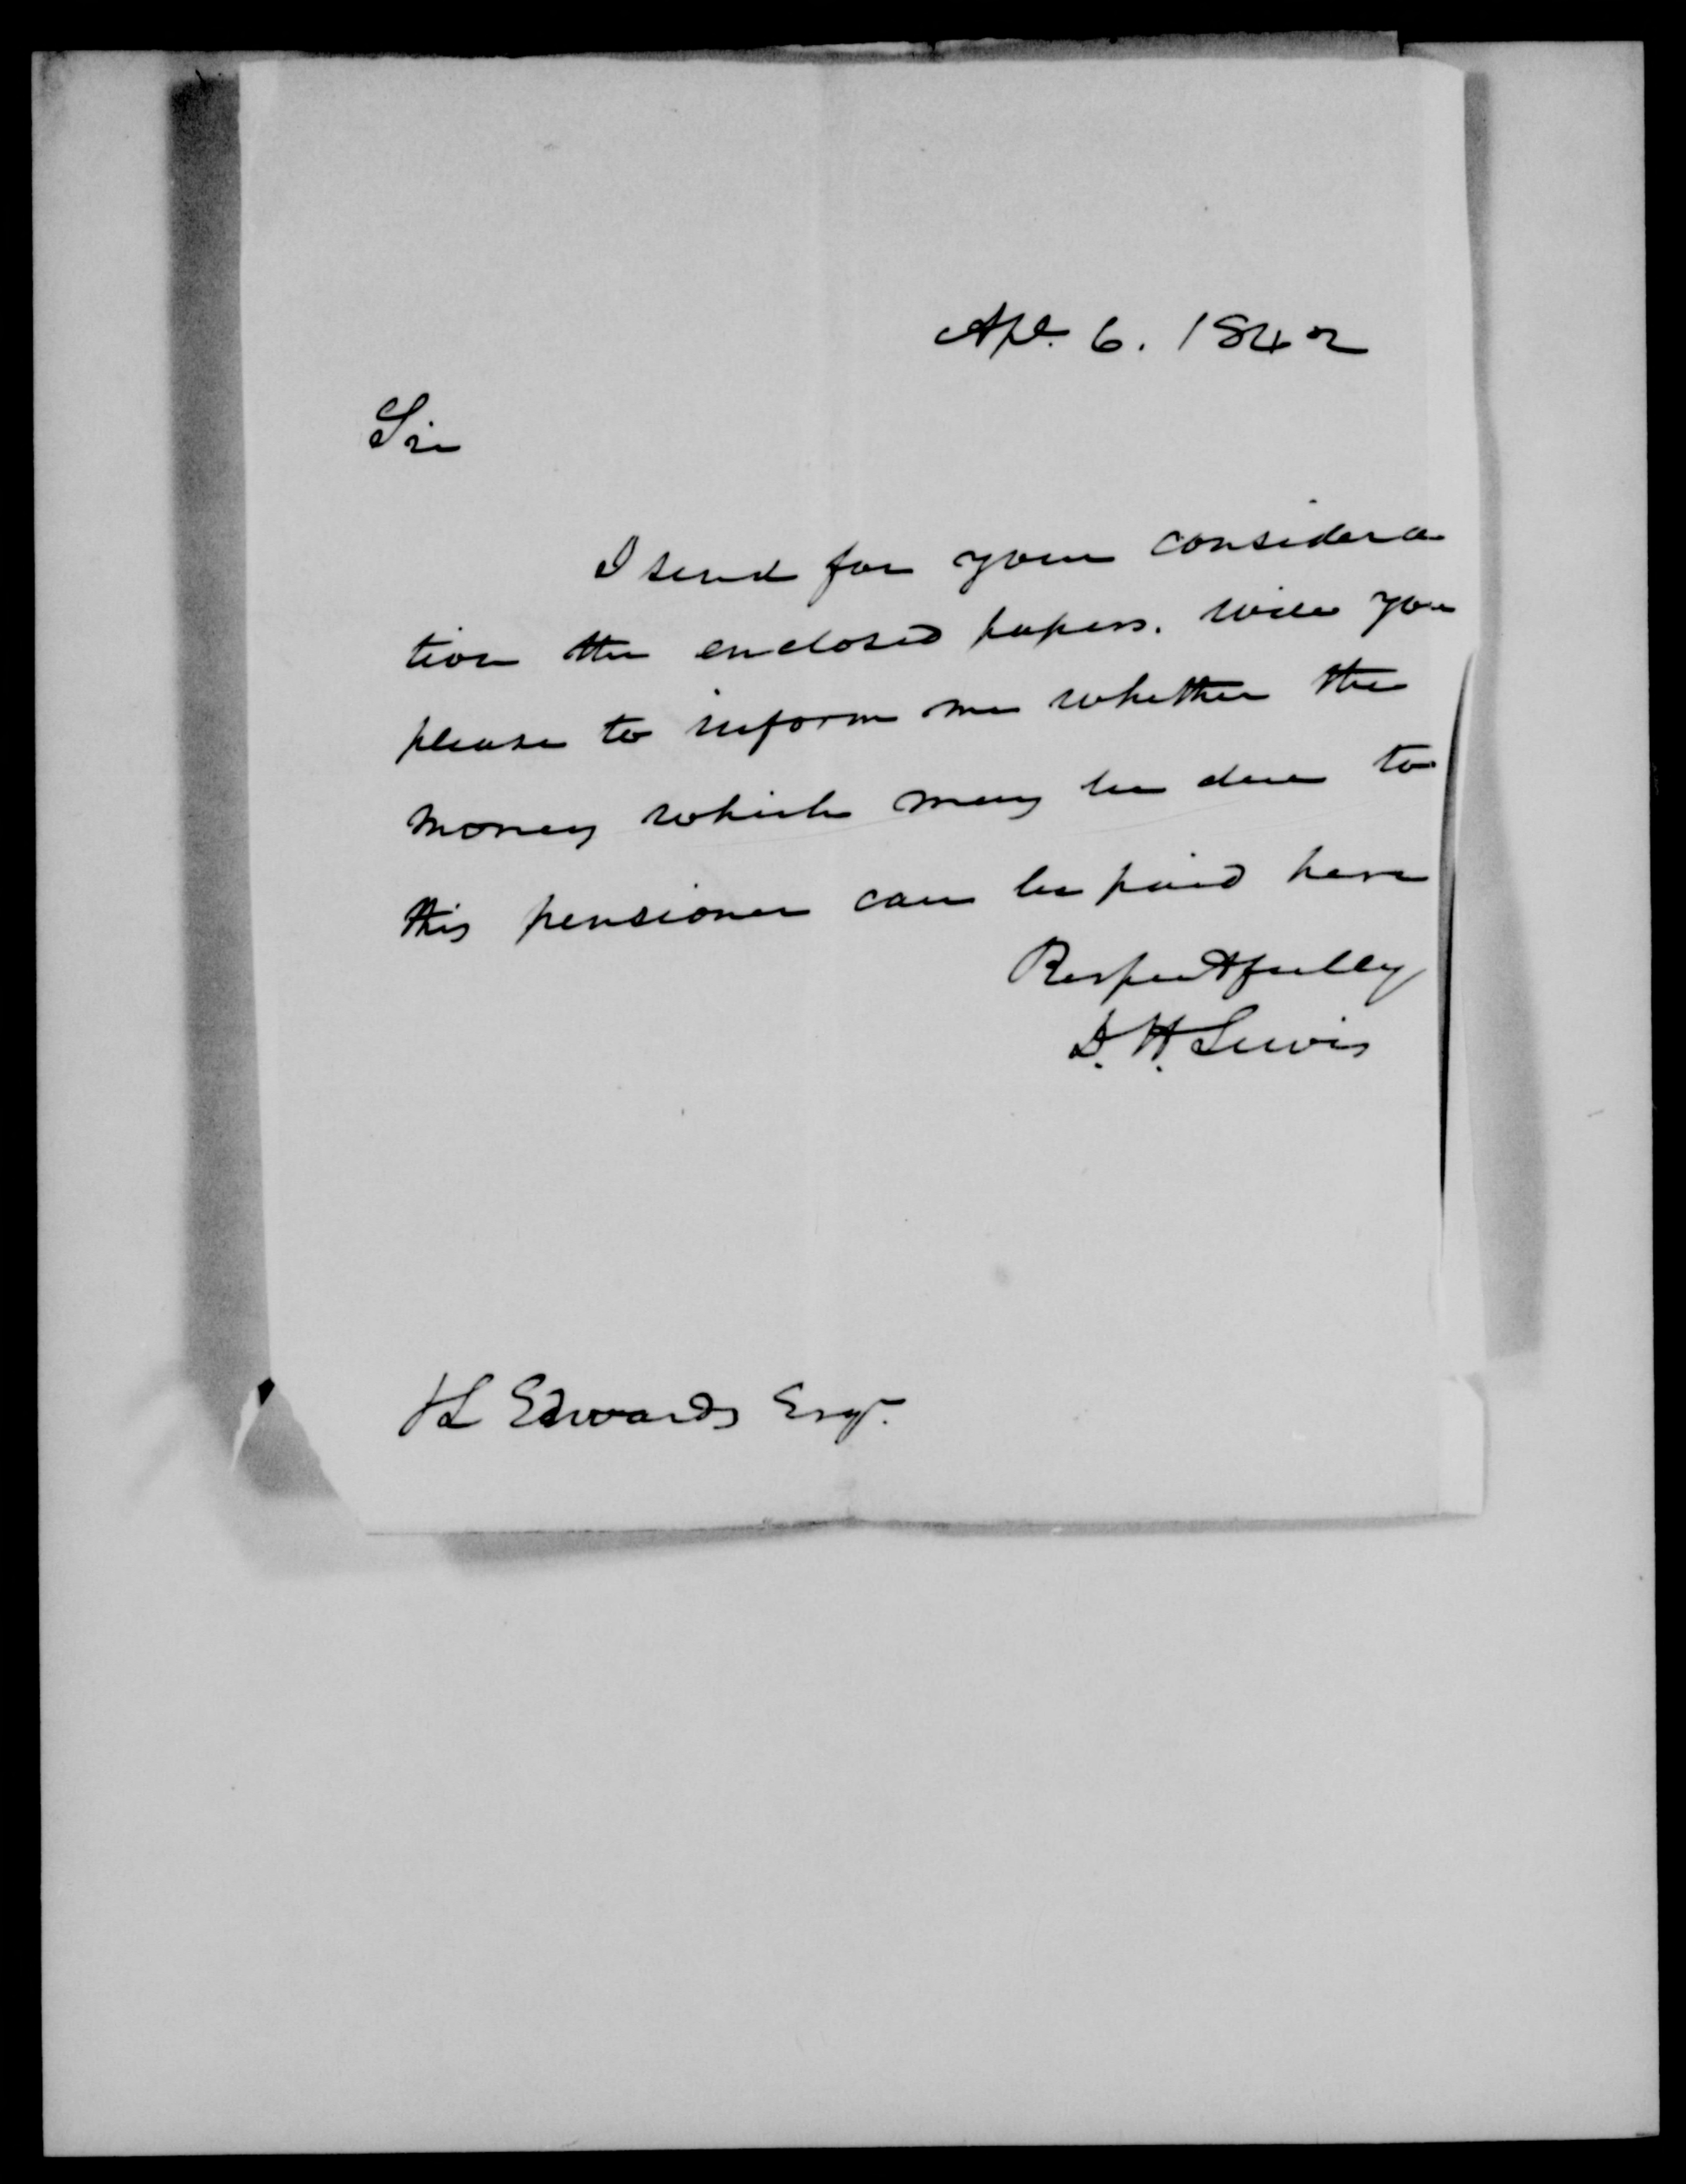Apl. 6. 1842
Sir
I send for your consideration
the enclosed papers. Will you
please to inform me whether the
money which may be due to
this pensioner can be paid here
Respectfully
D. H. Lewis
J L Edwards Esq.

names: D H Lewis, J L Edwards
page: 16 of 23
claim: survivor's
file: S. 32559, Charles Tuggle, Va.